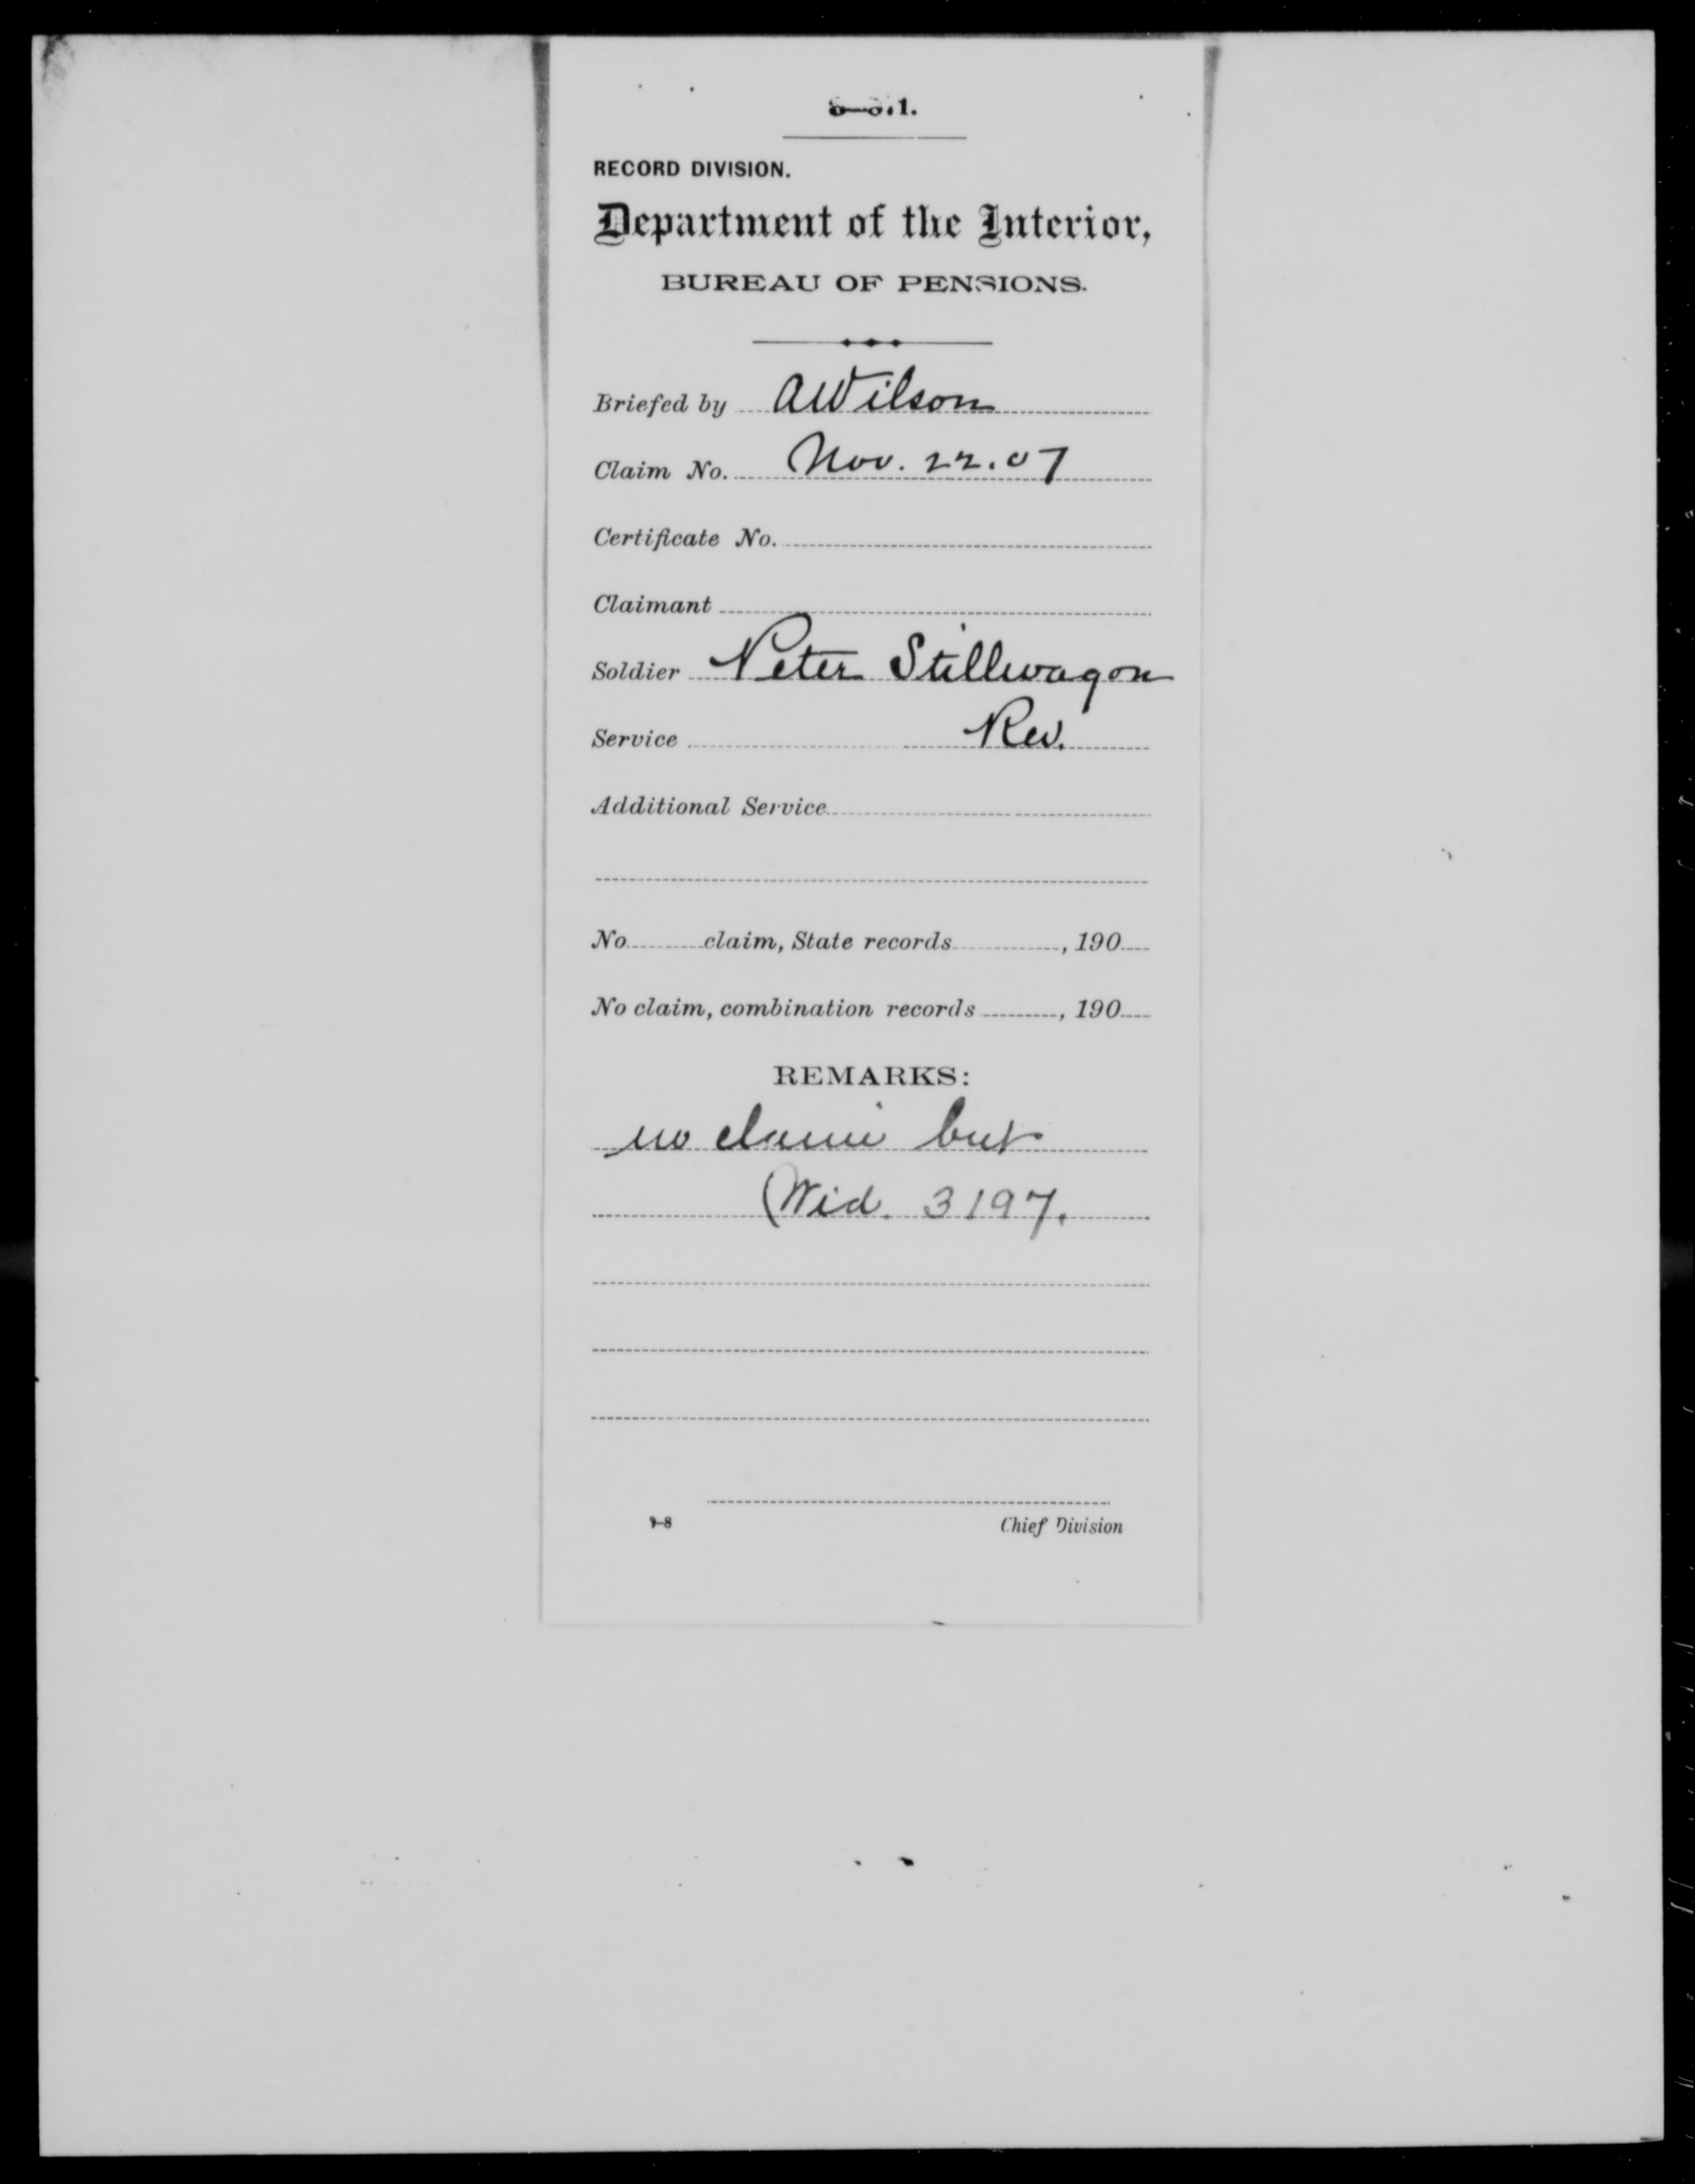Record Division
Department of the Interior,
Bureau of Pensions
Briefed by AWilson
Claim No. Nov. 22.07
Certificate No. [blank line]
Claimant [blank line]
Soldier Peter Stillwagon
Service. Rev.
Additional Service [blank lines]
No [blank line] claim, State records [blank line], 190[blank line]
No claim, combination records [blank line], 190[blank line]
No claim but Wid. 3197.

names: Peter Stillwagon; A Wilson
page: 22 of 73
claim: widow's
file: W. 3197, for Peter Stillwagon, New Jersey